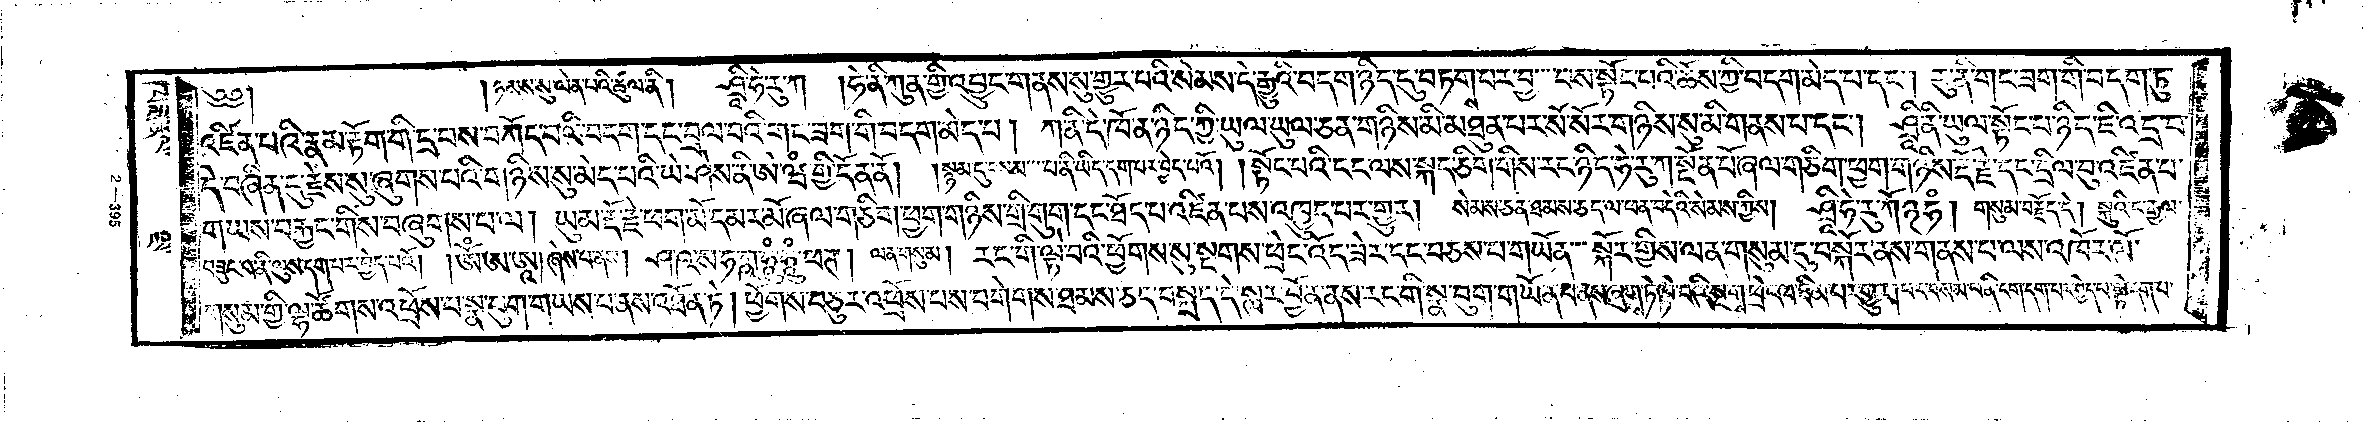༄༅། །ཉམས་སུ་ལེན་པའི་ཚུལ་ནི། ཤྲཱི་ཧེ་རུ་ཀ །ཧེ་ནི་ཀུན་གྱི་འབྱུང་གནས་སུ་གྱུར་པའི་སེམས་དེ་རྒྱུའི་བདག་ཉིད་དུ་བཏགས་པར་བྱ་བས་སྟོང་པའི་ཆོས་ཀྱི་བདག་མེད་པ་དང་། རུ་ནི་གང་ཟག་གི་བདག་ཏུ་
འཛིན་པའི་རྣམ་རྟོག་གི་དྲ་བས་བཀོད་པའི་བདག་དང་བྲལ་བའི་གང་ཟག་གི་བདག་མེད་པ། ཀ་ནི་དེ་ཁོ་ན་ཉིད་ཀྱི་ཡུལ་ཡུལ་ཅན་གཉིས་མི་མཐུན་པར་སོ་སོར་གཉིས་སུ་མི་གནས་པ་དང་། ཤྲཱི་ནི་ཡུལ་སྟོང་པ་ཉིད་ཇི་འདྲ་བ་
དེ་བཞིན་དུ་རྗེས་སུ་ཞུགས་པའི་གཉིས་སུ་མེད་པའི་ཡེ་ཤེས་ནི་ཨེ་ཝཾ་གྱི་དོན་ནོ། །སྙམ་དུ་བསམ་པ་ནི་ཡིད་དག་པར་བྱེད་པའོ།  །སྟོང་པའི་ངང་ལས་སྐད་ཅིག་གིས་རང་ཉིད་ཧེ་རུ་ཀ་སྔོན་པོ་ཞལ་གཅིག་ཕྱག་གཉིས་རྡོ་རྗེ་དང་དྲིལ་བུ་འཛིན་པ་
གཡས་བརྐྱང་གིས་བཞུགས་པ་ལ། ཡུམ་རྡོ་རྗེ་ཕག་མོ་དམར་མོ་ཞལ་གཅིག་ཕྱག་གཉིས་གྲི་གུག་དང་ཐོད་པ་འཛིན་པས་འཁྱུད་པར་གྱུར། སེམས་ཅན་ཐམས་ཅད་ལ་ཕན་བདེའི་སེམས་ཀྱིས།  ཤྲཱི་ཧེ་རུ་ཀོཉཧཾ། གསུམ་བརྗོད་དེ། སྐུའི་ང་རྒྱལ་
བཟུང་བ་ནི་ལུས་དག་པར་བྱེད་པའོ། །ཨོཾ་ཨ་ཨཱ། ཞེས་པ་ནས།  ཤ་ཥ་ས་ཧ་ཀྵ་ཧཱུཾ་ཧཱུཾ་ཕཊ། ལན་གསུམ།  རང་གི་ལྟེ་བའི་ཕྱོགས་སུ་སྔགས་ཕྲེང་འོད་ཟེར་དང་བཅས་པ་གཡོན་སྐོར་གྱིས་ལན་གསུམ་དུ་བསྐོར་ནས་གནས་པ་ལས་འཁོར་ལོ་
གསུམ་གྱི་ལྷ་ཚོགས་འཕྲོས་པ་སྣ་བུག་གཡས་པ་ནས་འཐོན་ཏེ། ཕྱོགས་བཅུར་འཕྲོས་པས་བགེགས་ཐམས་ཅད་བསྐྲད་དེ་སླར་བྱོན་ནས་རང་གི་སྣ་བུག་གཡོན་པ་ནས་ཞུག་ཏེ་ལྟེ་བའི་སྔགས་ཕྲེང་ལ་ཐིམ་པར་གྱུར། པར་བསམ་པ་ནི་དག་དག་པ་བྱེད་པ་སྟེ་དག་པ་